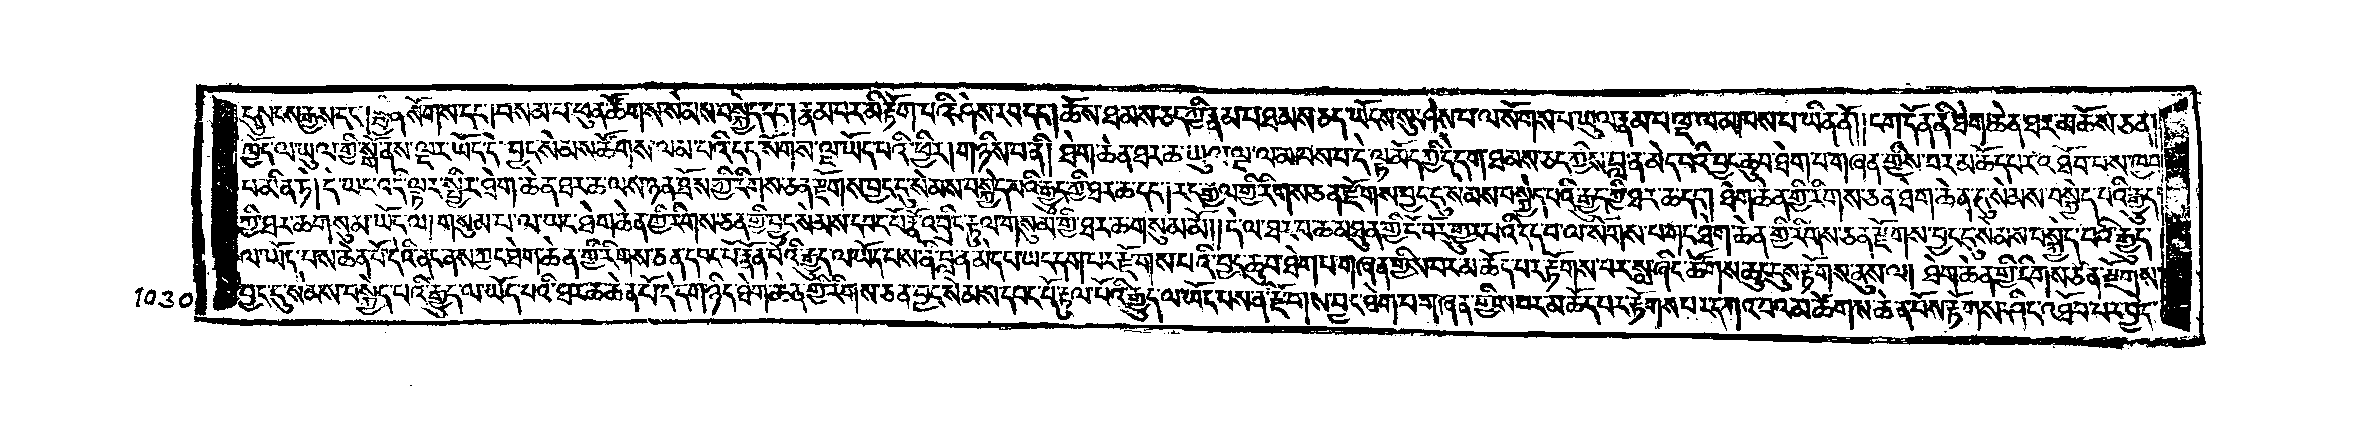དུ་སངས་རྒྱས་དང་། སྦྱིན་སོགས་དང་། བསམ་པ་ཕུན་ཚོགས་སེམས་བསྐྱེད་དང་། རྣམ་པར་མི་རྟོག་པའི་ཤེས་རབ་དང་། ཆོས་ཐམས་ཅད་ཀྱི་རྣམ་པ་ཐམས་ཅད་ཡོངས་སུ་ཤེས་པ་ལ་སོགས་པ་ཡུལ་རྣམ་པ་ལྔ་ལ་མཁས་པ་ཡིན་ནོ། །ངག་དོན་ནི་ཐེག་ཆེན་ཐར་པ་ཆོས་ཅན།
ཁྱོད་ལ་ཡུལ་གྱི་སྒོ་ནས་ལྔར་ཡོད་དེ་བྱང་སེམས་ཚོགས་ལམ་པའི་དད་སོགས་ལྔ་ཡོད་པའི་ཕྱིར། གཉིས་པ་ནི། ཐེག་ཆེན་ཐར་ཆ་ཡུལ་ལྔ་ལ་མཁས་པ་དེ་ལྟ་མོད་ཀྱི་དེ་དག་ཐམས་ཅད་ཀྱིས་བླ་ན་མེད་པའི་བྱང་ཆུབ་ཐེག་པ་གཞན་གྱིས་བར་མཆོད་པར་འཐོབ་པས་ཁྱབ་
པ་མིན་ཏེ། དེ་ཡང་འདི་ལྟར་སྤྱིར་ཐེག་ཆེན་ཐར་ཆ་ལས་ཉན་ཐོས་ཀྱི་རིགས་ཅན་རྫོགས་བྱང་དུ་སེམས་བསྐྱེད་པའི་རྒྱུད་ཀྱི་ཐར་ཆ་དང་། རང་རྒྱལ་གྱི་རིགས་ཅན་རྫོགས་བྱང་དུ་སེམས་བསྐྱེད་པའི་རྒྱུད་ཀྱི་ཐར་ཆ་དང་། ཐེག་ཆེན་གྱི་རིགས་ཅན་ཐེག་ཆེན་དུ་སེམས་བསྐྱེད་པའི་རྒྱུད་
ཀྱི་ཏར་ཆ་གསུམ་ཡོད་ལ། གསུམ་པ་ལ་ཡང་ཐེག་ཆེན་གྱི་རིགས་ཅན་གྱི་བྱུང་སེམས་དབང་པོ་རྣོ་འབྲིང་རྟུལ་གསུམ་གྱི་ཐར་ཆ་གསུམ་མོ། །དེ་ལ་ཐར་པ་ཆ་མཐུན་གྱི་ངོ་བོར་གྱུར་པའི་དད་པ་ལ་སོགས་པ་གང་ཐེག་ཆེན་གྱི་རིགས་ཅན་རྫོགས་བྱང་དུ་སེམས་བསྐྱེད་པའི་རྒྱུད་
ལ་ཡོད་པས་ཆེན་པོ་དེའི་ནང་ནས་ཀྱང་ཐེག་ཆེན་གྱི་རིགས་ཅན་དབང་པོ་རྣོན་པོའི་རྒྱུད་ལ་ཡོད་པ་ནི་བླ་ན་མེད་པ་ཡང་དག་པར་རྫོགས་པའི་བྱང་ཆུབ་ཐེག་པ་གཞན་གྱིས་བར་མ་ཆོད་པར་རྟོགས་པར་སླ་ཞིང་ཚོགས་ཆུང་དུས་རྟོགས་ནུས་ལ། ཐེག་ཆེན་གྱི་རིགས་ཅན་རྫོགས་
བྱང་དུ་སེམས་བསྐྱེད་པའི་རྒྱུད་ལ་ཡོད་པའི་ཐར་ཆ་ཆེན་པོ་དེ་དག་ཉིད་ཐེག་ཆེན་གྱི་རིགས་ཅན་བྱངས་སེམས་དབང་པོ་རྟུལ་པོའི་རྒྱུད་ལ་ཡོང་པས་ན་རྫོགས་བྱང་ཐེག་པ་གཞན་གྱིས་བར་མ་ཆོད་པར་རྟོགས་པར་དཀའ་བའམ་ཚེགས་ཆེན་པོས་རྟོགས་ཤིང་འཐོབ་པར་བྱེ་